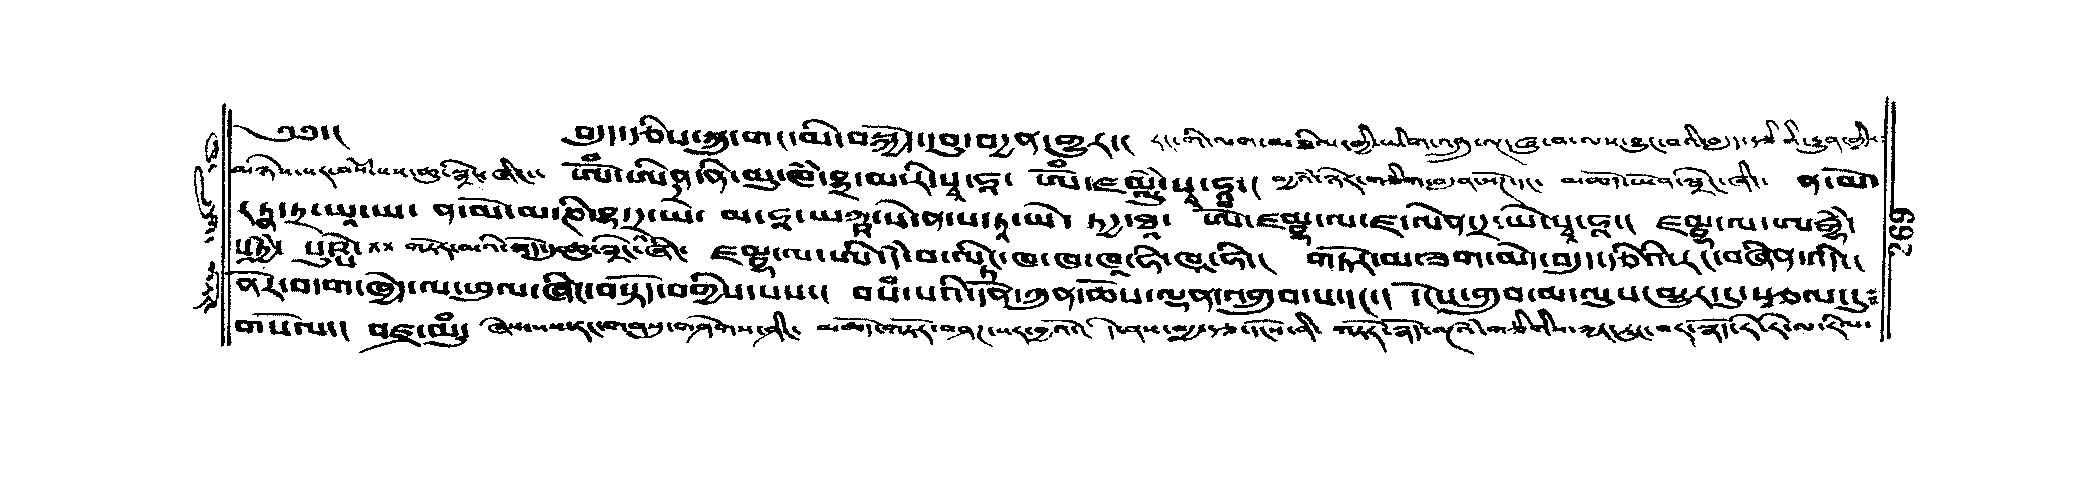པཱདྷྱཾ། པུཥྤེ། གཏོར་མའི་སྣོད་དུ་ཆུ་སྦྲེང་ཞིང་། ཛམྦྷ་ལ་ཨི་དཾ་བ་ལིངྟ་ཁ་ཁ་ཁཱ་ཧི་ཁཱ་ཧི། གཏོར་མ་ཟག་མེད་བདུད་རྩིའི་རང་བཞིན་འདི་
ནོར་བདག་ཁྱེད་ལ་ཕུལ་ཞིང་བསྟོད་བགྱིད་པས། བསམ་པའི་དོན་ཀུན་ཆོས་ལྡན་འགྲུབ་པ་དང་། དངོས་གྲུབ་མ་ལུས་མྱུར་དུ་སྩལ་དུ་
གསོལ། བཛྲ་མུཾ། ཞེས་པས་རང་གནས་སུ་གཤེགས་ཤིང་། མཆོད་གཏོར་བཤགས་པར་བྱའོ། དེ་ནས་བརྒྱ་རྩ་དངོས་ནི། གཏོར་སྣོད་ལྔའམ་གཅིག་གིས་ཀྱང་རུང་བར་སྣོད་རེ་རེ་ལ་རིལ་